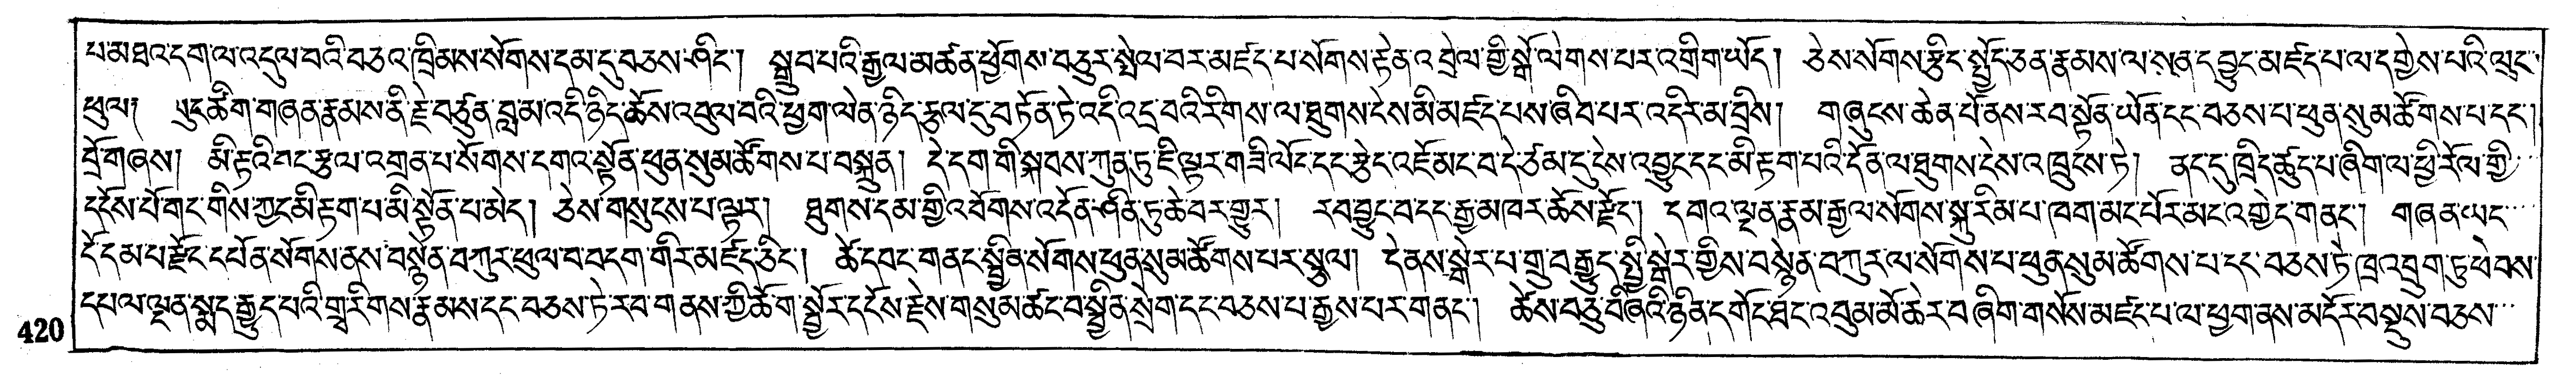པ་མཐའ་དག་ལ་འདུལ་བའི་བཅའ་ཁྲིམས་སོགས་དམ་དུ་བཅས་ཤིང་། སྒྲུབ་པའི་རྒྱལ་མཚན་ཕྱོགས་བཅུར་སྤེལ་བར་མཛད་པ་སོགས་རྟེན་འབྲེལ་གྱི་སྒོ་ལེགས་པར་འགྲིག་ཡོད། ཅེས་སོགས་རྩིད་སྤྱོད་ཅན་རྣམས་ལ་སུན་དབྱུང་མཛད་པ་ལ་དགྱེས་པའི་ལུང་
ཕུལ། ལུང་ཚིག་གཞན་རྣམས་ནི་རྗེ་བཙུན་བླ་མ་འདི་ཉིད་ཆོས་འདུལ་བའི་ཕྱག་ལེན་ཉིད་རྩལ་དུ་བཏོན་ཏེ་འདི་འདྲ་བའི་རིགས་ལ་ཐུགས་ངེས་མི་མཛད་པས་ཞིབ་པར་འདིར་མ་བྲིས། གཞུང་ས་ཆེན་པོ་ནས་རབ་སྟོན་ཡོན་དང་བཅས་པ་ཕུན་སུམ་ཚོགས་པ་དང་།
བྲོ་གཞས། མི་རྟའི་བང་རྩལ་འགྲན་པ་སོགས་དགའ་སྟོན་ཕུན་སུམ་ཚོགས་པ་བསྐྲུན། དེ་དག་གི་སྐབས་ཀུན་ཏུ་ཇི་ལྟར་གཟི་ལོང་དང་རྩེད་འཇོ་མང་བ་དེ་ཙམ་དུ་ངེས་འབྱུང་དང་མི་རྟག་པའི་དོན་ལ་ཐུགས་ངེས་འཁྲུངས་ཏེ། ནང་དུ་ཁྲིད་ཚུད་བ་ཞིག་ལ་ཕྱི་རོལ་གྱི་
དངོས་པོ་གང་གིས་ཀྱང་མི་རྟག་པ་མི་སྟོན་པ་མེད། ཅེས་གསུངས་པ་ལྟར། ཐུགས་དམ་གྱི་འབོགས་འདོན་ཤིན་ཏུ་ཆེ་བར་གྱུར། རབ་བྱུང་བ་དང་རྒྱ་མཁར་ཆོས་རྫོང་། དགའ་ལྡན་རྣམ་རྒྱལ་སོགས་སྐུ་རིམ་པ་ཁག་མང་པོར་མང་འགྱེད་གནང་། གཞན་ཡང་
དོ་དམ་པ་རྫོང་དཔོན་སོགས་ནས་བསྙེན་བཀུར་ཕུལ་བ་བདག་གིར་མཛད་ཅིང་། ཚེ་དབང་གནང་སྦྱིན་སོགས་ཕུན་སུམ་ཚོགས་པར་སྩལ། དེ་ནས་སྒེར་པ་གྲུ་བརྒྱུད་སྤྱི་སྒེར་གྱིས་བསྙེན་བཀུར་ལ་སོགས་པ་ཕུན་སུམ་ཚོགས་པ་དང་བཅས་ཏེ་ཁྲ་འབྲུག་ཏུ་ཕེབས།
དཔལ་ལྡན་སྨད་རྒྱུད་པའི་གྲྭ་རིགས་རྣམས་དང་བཅས་ཏེ་རབ་གནས་ཀྱི་ཆོ་བ་སྦྱོར་དངོས་རྗེས་གསུམ་ཚང་བ་སྦྱིན་སྲེག་དང་བཅས་པ་རྒྱས་པར་གནང་། ཚེས་བཅུ་བཞིའི་ཉིན་དགོང་ཐང་འབུམ་མོ་ཆེར་བཞིག་གསོས་མཛད་པ་ལ་ཕྱག་ནས་མདོར་བསྡུས་བཅས་